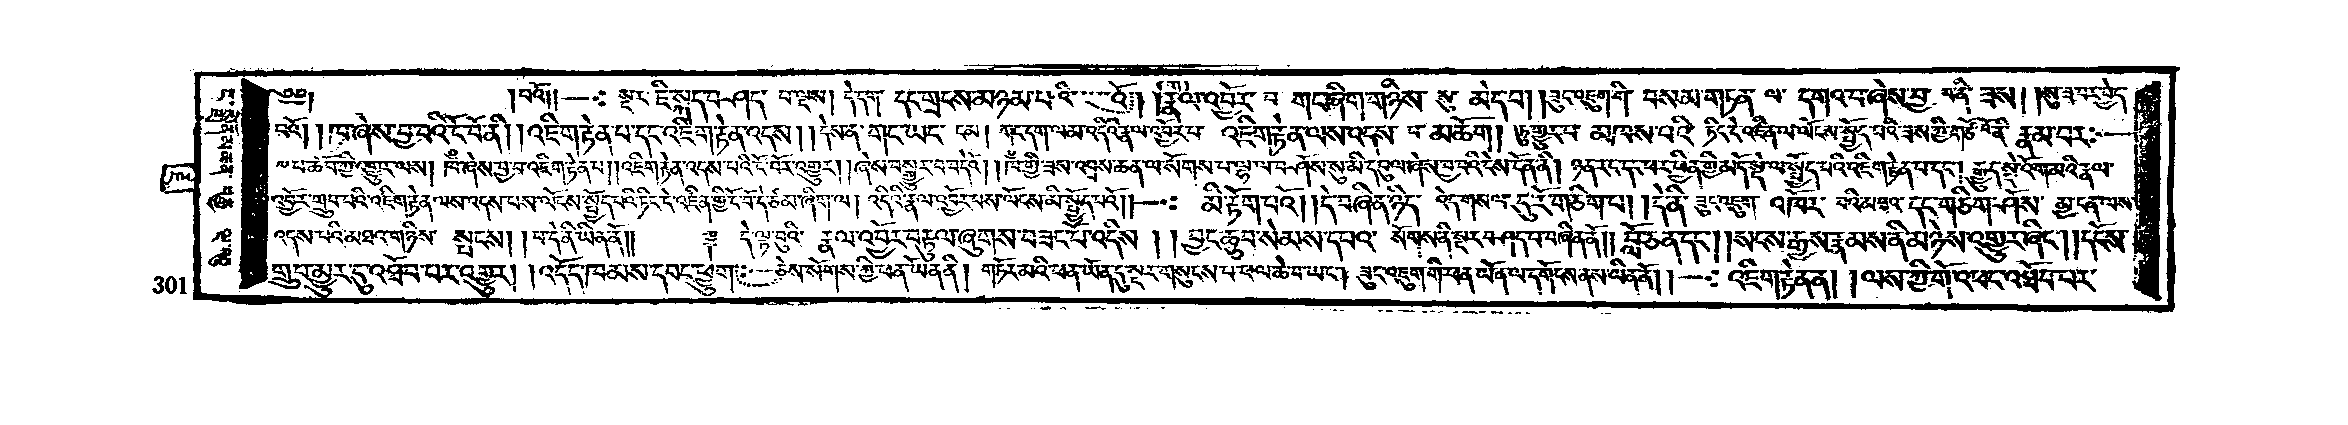༄༅། ། པའོ།། སྔར་ཇི་སྐད་བཤད་པ་ལྔས། དེ་དག་དང་གྲངས་མཉམ་པའི་འོ། ?ག྄།རྣལ་འབྱོར་བ་གང་ཞིག་གཉིས་སུ་མེད་པ། ། ཟུང་འཇུག་གི་བསམ་གཏན་ལ་དགའ་བ་ཞེས་བྱ་བ་ནི་ཟས། ། སུ་ཟ་བར་བྱེད
པའོ།  །ཁ་ཞེས་བྱ་བའི་ངོ་བོ་ནི། །འཇིག་རྟེན་པ་དང་འཇིག་རྟེན་འདས། །དེས་ན།  གང་ཡང་ངམ། གང་དག་ལམ་འདིའི་རྣལ་འབྱོར་པ་འཇིག་རྟེན་ལས་འདས་པ་མཆོག ། ཏུ་གྱུར་པ་མཁས་པའི་ཏིང་ངེ་འཛིན་ལ་ལོངས་སྤྱོད་པའི་ཟས་ཀྱི་གང་རི་རྣམ་པར་
༧པ་ཚབ་ཀྱི་འགྱུར་ལས། ཁོཾ་ཞེས་བྱ་བ་འཇིག་རྟེན་པ། །འཇིག་རྟེན་འདས་པའི་ངོ་བོར་འགྱུར། །ཞེས་བསྒྱུར་བ་བདེའོ། །ཁོཾ་གྱི་ཟས་འབྲས་ཆེན་ལ་སོགས་པ་ལྷ་ལ་བཤོས་སུ་མི་དབུལ་ཞེས་བྱ་བའི་ངེས་དོན་ནི། ཉན་རང་དང་ཕར་ཕྱིན་གྱི་མདོ་སྡེ་ལ་སྤྱོད་པའི་འཇིག་རྟེན་པ་དང་། རྒྱུད་སྡེ་འོག་མའི་རྣལ
འབྱོར་གྲུབ་པའི་འཇིག་རྟེན་ལས་འདས་པས་ལོངས་སྤྱོད་པའི་ཏིང་ངེ་འཛིན་གྱི་ངོ་བོ་དེ་ཙམ་ཞིག་ལ། འདིའི་རྣལ་འབྱོར་པས་ལོངས་མི་སྤྱོད་པའོ།། མི་རྟོག་པའོ། །དེ་བཞིན་ཉིད་འོད་གསལ་དུ་རོ་གཅིག་པ། །དེ་ནི་ཟུང་འཇུག་འཁོར་བའི་མཐའ་དང་གཅིག་ཤོས་མྱ་ངན་ལས་
འདས་པའི་མཐའ་གཉིས་སྤངས། ། པ་དེ་ནི་ཡིན་ནོ།། ༈ དེ་ལྟ་བུའི་རྣལ་འབྱོར་བརྟུལ་ཞུགས་བཟང་པོ་འདིས། །བྱང་ཆུབ་སེམས་དཔའ་སོགས་ནི་སྔར་བཤད་པ་བཞིན་ནོ།  །བློ་ཅན་དང་། །སངས་རྒྱས་རྣམས་ནི་མཉེས་འགྱུར་ཞིང་། །དངོས་
གྲུབ་མྱུར་དུ་འཐོབ་པར་འགྱུར། །འདོད་ཁམས་དབང་ཕྱུག་ཅེས་སོགས་ཀྱི་ཕན་ཡོན་ནི། གཏོར་མའི་ཕན་ཡོན་དུ་སྔར་གསུངས་པ་ཕལ་ཆེ་བ་ཡང་། ཟུང་འཇུག་གི་ཕན་ཡོན་ལ་དགོངས་ནས་ཡིན་ནོ།།  འཇིག་རྟེན་ན། །ལས་ཀྱི་གོ་འཕང་འཐོབ་པར་